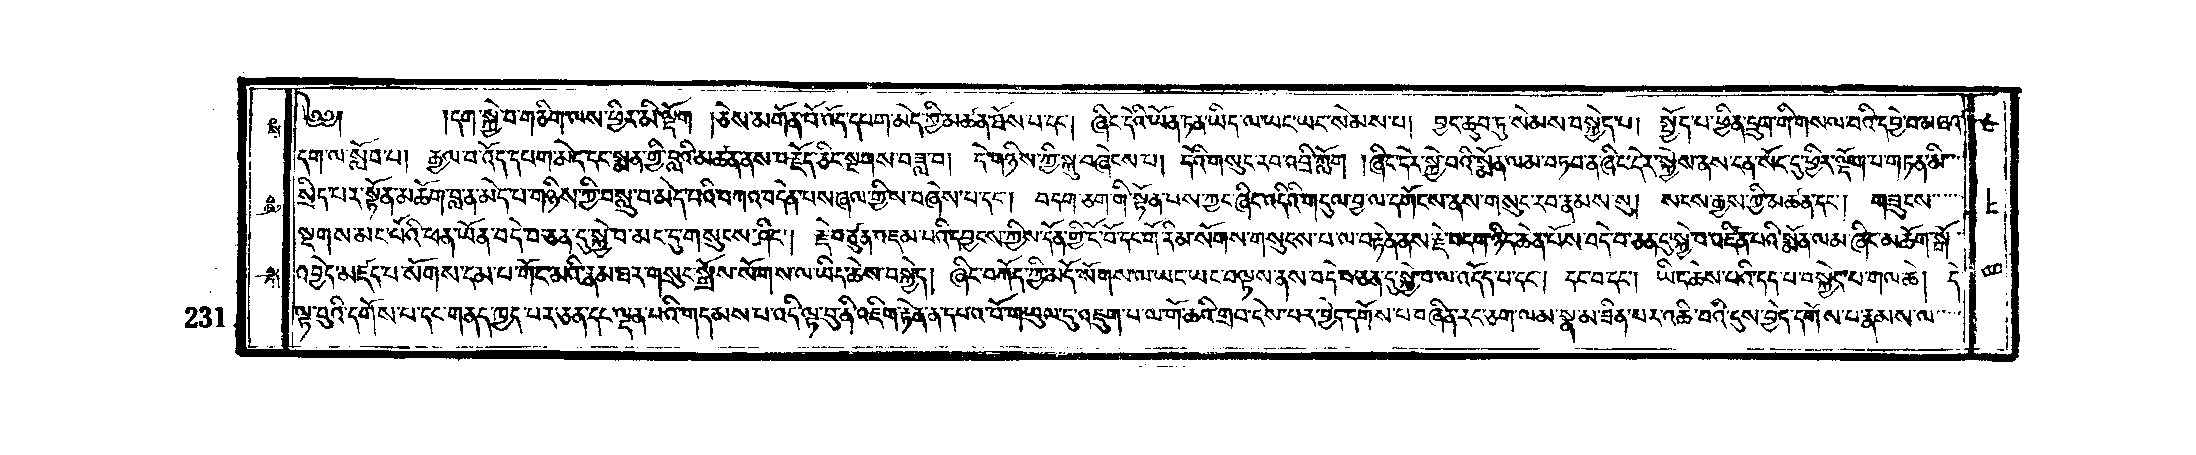༄༅། །དག་སྐྱེ་བ་གཅིག་ལས་ཕྱིར་མི་ལྡོག །ཅེས་མགོན་པོ་འོད་དཔག་མེད་ཀྱི་མཚན་ཐོས་པ་དང་། ཞིང་དེའི་ཡོན་ཏན་ཡིད་ལ་ཡང་ཡང་སེམས་པ། བྱང་ཆུབ་ཏུ་སེམས་བསྐྱེད་པ། སྤྱོད་པ་ཕྱིན་དྲུག་གི་གསལ་བའི་དབྱེ་བ་མཐའ་
དག་ལ་སློབ་པ། རྒྱལ་བ་འོད་དཔག་མེད་དང་སྨན་གྱི་བླའི་མཚན་ནས་བརྗོད་ཅིང་སྔགས་བཟླ་བ། དེ་གཉིས་ཀྱི་སྐུ་བཞེངས་པ། དེའི་གསུང་རབ་འབྲི་ཀློག །ཞིང་དེར་སྐྱེ་བའི་སྨོན་ལམ་བཏབ་ན་ཞིང་དེར་སྐྱེས་ནས་ངན་སོང་དུ་ཕྱིར་ལྡོག་པ་གཏན་མི་
སྲིད་པར་སྟོན་མཆོག་བླ་ན་མེད་པ་གཉིས་ཀྱི་བསླུ་བ་མེད་པའི་བཀའ་བདེན་པས་ཞལ་གྱིས་བཞེས་པ་དང་། བདག་ཅག་གི་སྟོན་པས་ཀྱང་ཞིང་འདིའི་གདུལ་བྱ་ལ་དགོངས་ནས་གསུང་རབ་རྣམས་སུ། སངས་རྒྱས་ཀྱི་མཚན་དང་། གཟུངས་
སྔགས་མང་པོའི་ཕན་ཡོན་བདེ་བ་ཅན་དུ་སྐྱེ་བ་མང་དུ་གསུངས་ཤིང་། རྗེ་བཙུན་འཇམ་པའི་དབྱངས་ཀྱིས་དོན་གྱི་ངོ་བོ་དང་གོ་རིམ་སོགས་གསུངས་པ་ལ་བརྟེན་ནས་རྗེ་བདག་ཉིད་ཆེན་པོས་བདེ་བ་ཅན་དུ་སྐྱེ་བ་འཛིན་པའི་སྨོན་ལམ་ཞིང་མཆོག་སྒོ་
འབྱེད་མཛད་པ་སོགས་དམ་པ་གོང་མའི་རྣམ་ཐར་གསུང་སྒྲོས་སོགས་ལ་ཡིད་ཆེས་བསྐྱེད། ཞིང་བཀོད་ཀྱི་མདོ་སོགས་ལ་ཡང་ཡང་བལྟས་ནས་བདེ་བ་ཅན་དུ་སྐྱེ་བ་ལ་འདོད་པ་དང་། དང་བ་དང་། ཡིད་ཆེས་པའི་དད་པ་བསྐྱེད་པ་གལ་ཆེ། དེ་
ལྟ་བུའི་དགོས་པ་དང་གནད་ཁྱད་པར་ཅན་དང་ལྡན་པའི་གདམས་པ་འདི་ལྟ་བུ་ནི་འཇིག་རྟེན་ན་དཔའ་བོ་གཡུལ་དུ་འཇུག་པ་ལ་གོ་ཆའི་གྲབ་ངེས་པར་བྱེད་དགོས་པ་བཞིན་རང་ཅག་ལམ་སྣ་མ་ཟིན་པར་འཆི་བའི་དུས་བྱེད་དགོས་པ་རྣམས་ལ་